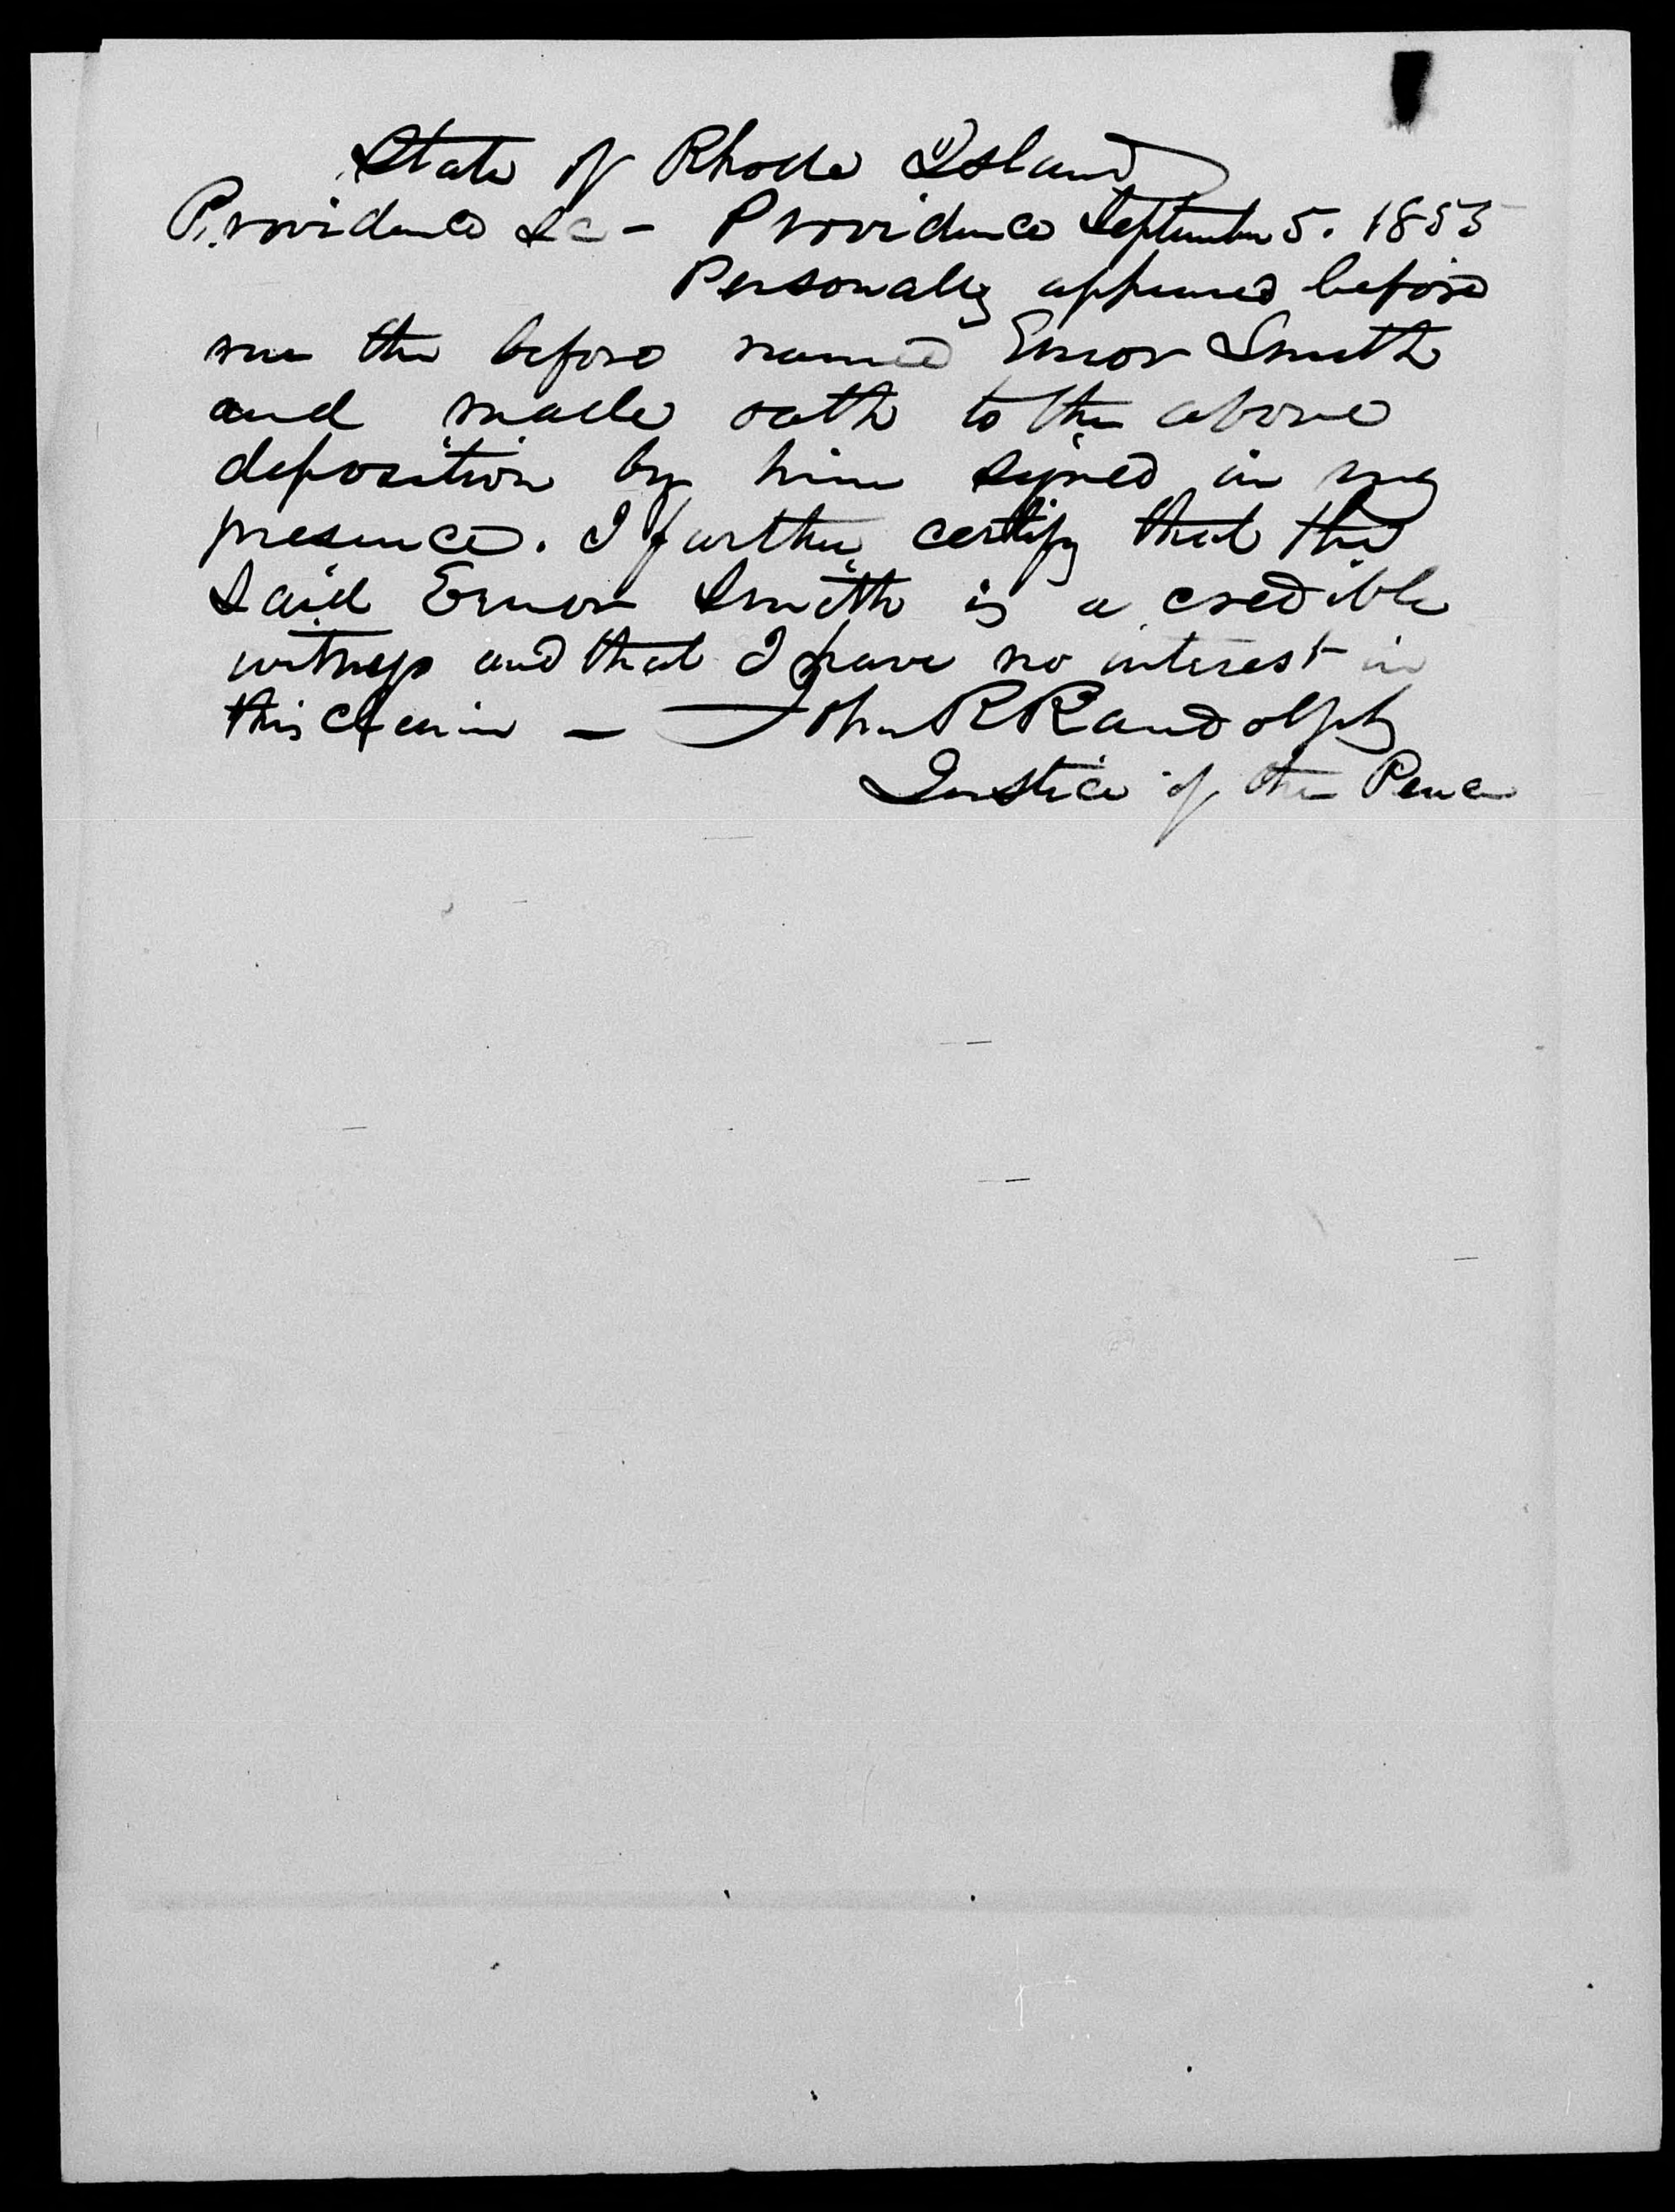State of Rhode Island
Providence sc - Providence September 5, 1855
Personally appeared before me the before named Emor Smith and made oath to the above deposition by him signed in my presence. I further certify that the said Emor Smith is a credible witness and that I have no interest in this claim.

John R. Randolph
Justice of the Peace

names: John R Randolph, Emor Smith, Emor Smith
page: 54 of 76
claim: widow's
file: W. 15,517, William Gadcomb, R.I.